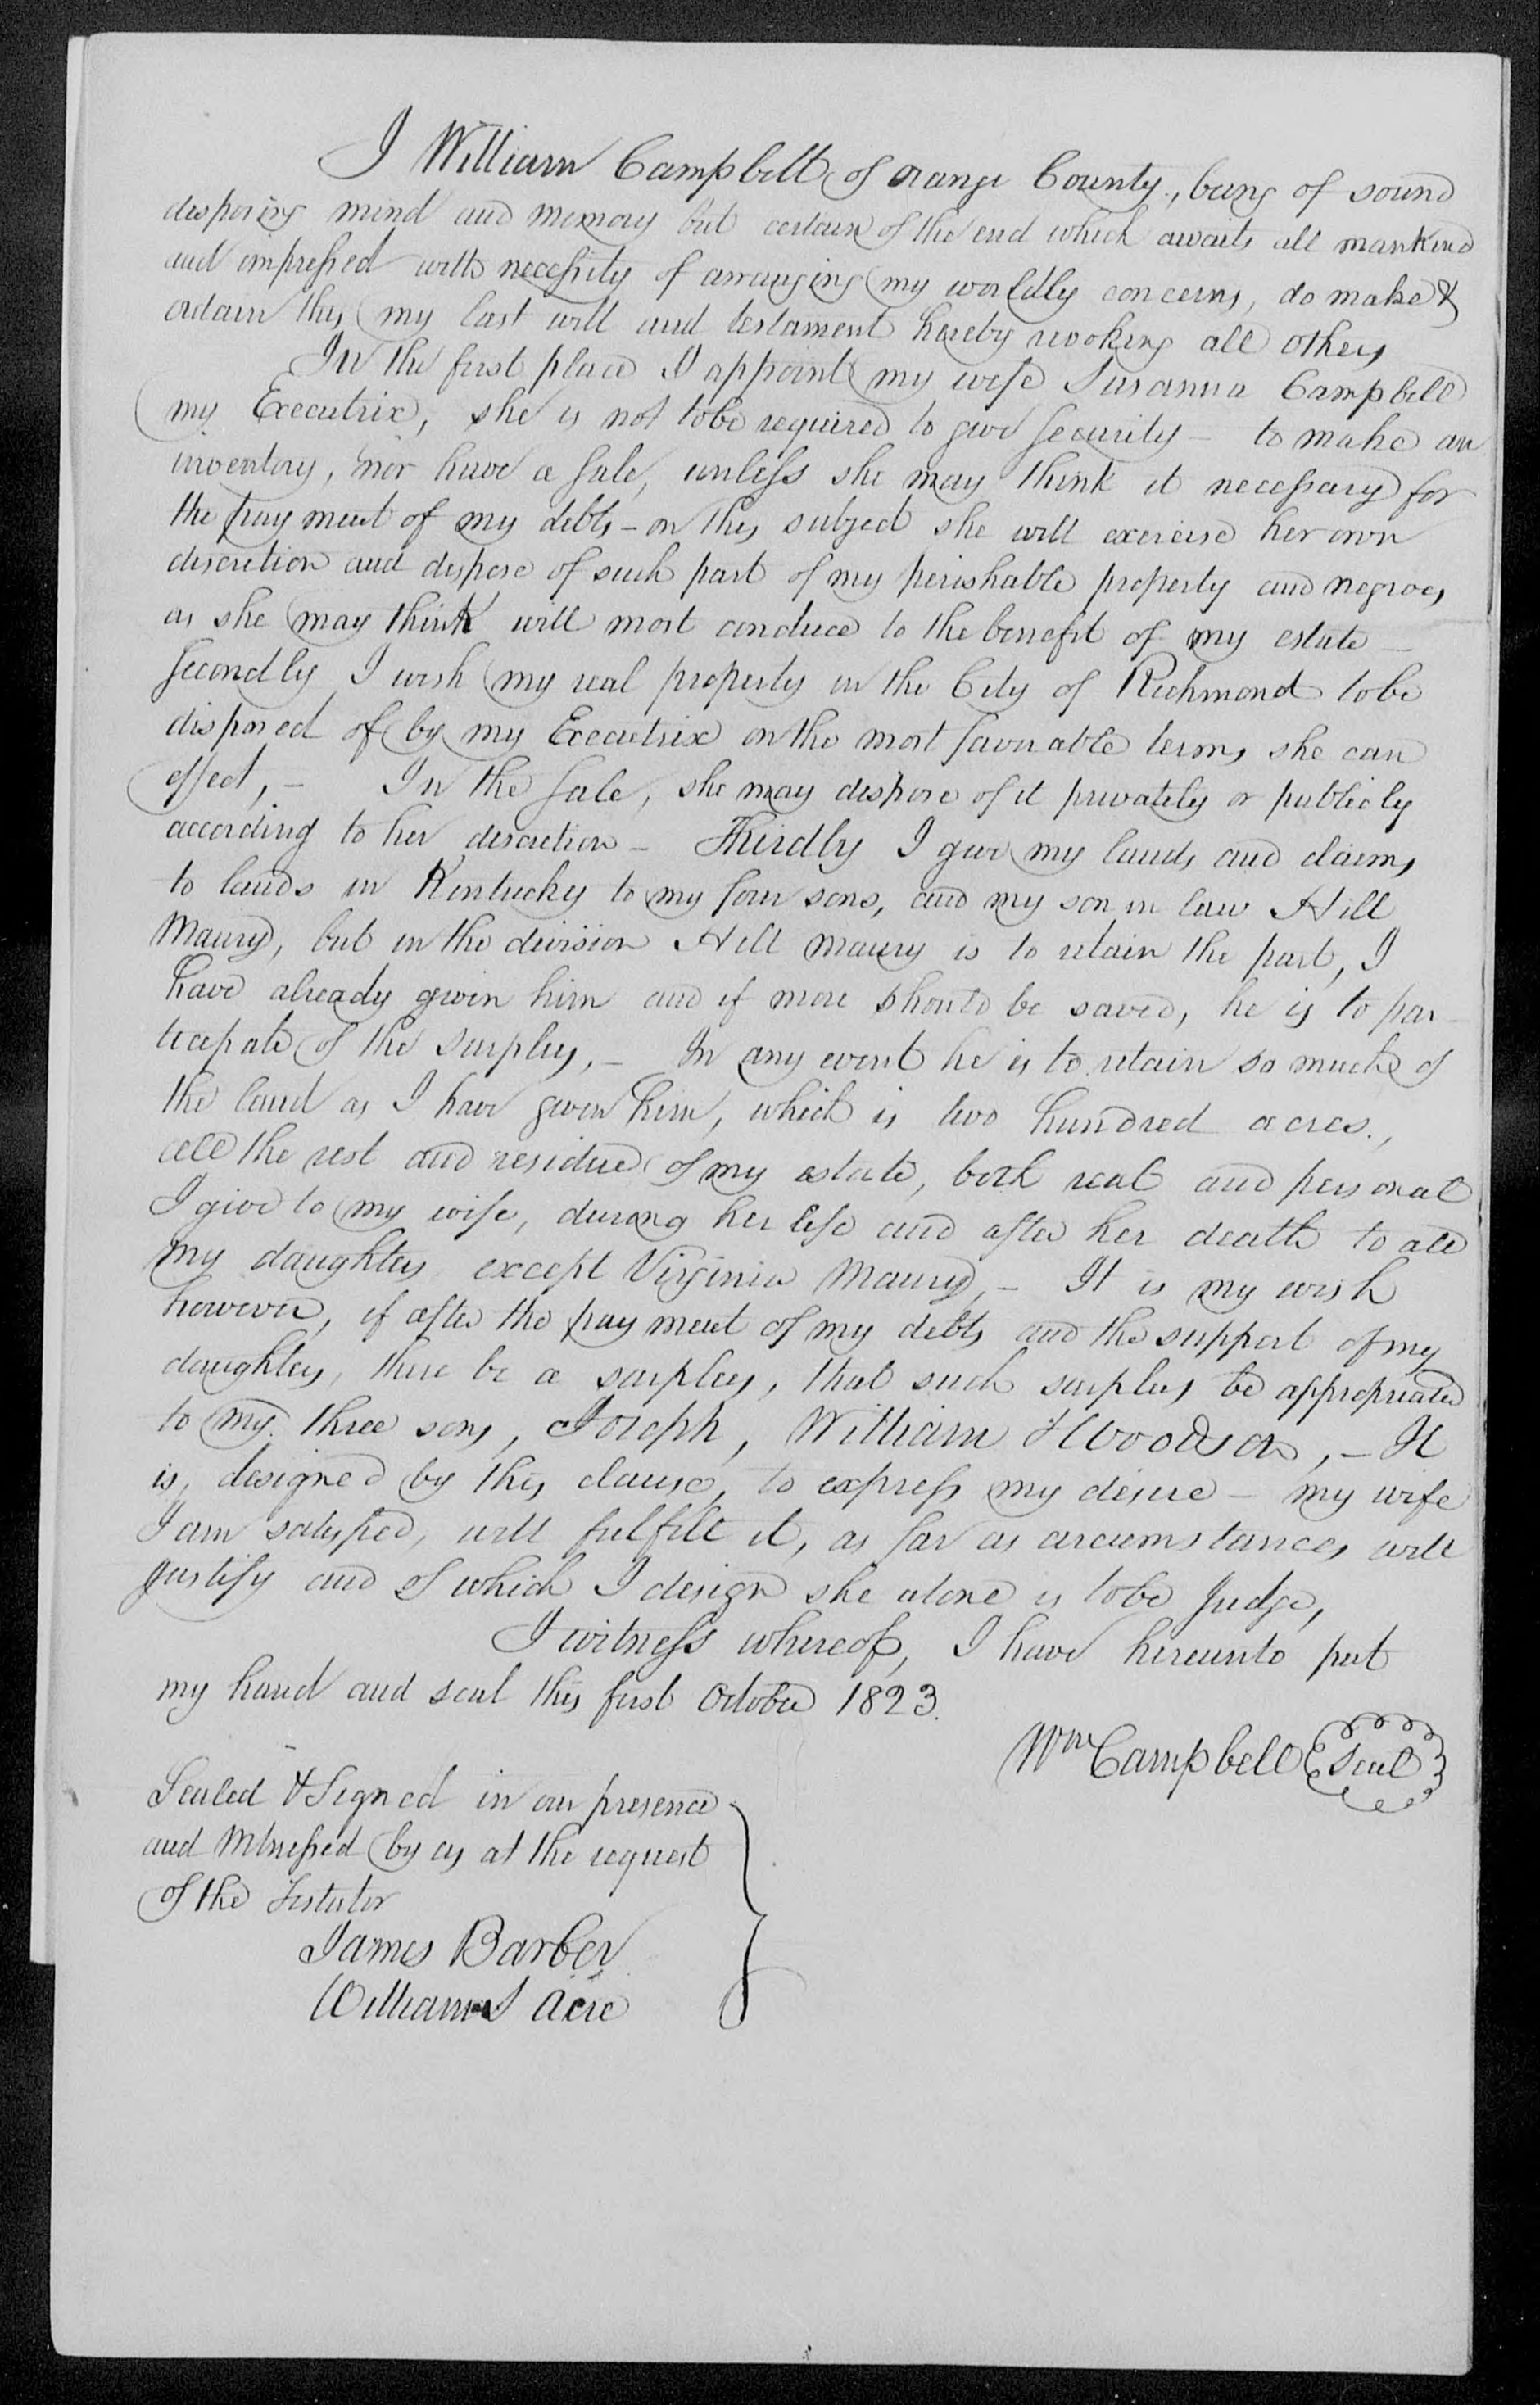I William Campbell of Orange County, being of sound despairing mind and memory but certain of the end which awaits all mankind and impressed with necessity of arranging my worldly concerns, do make +[and] ordain this my last will and testament hereby revoking all others
In the first place I appoint my wife Susanna Campbell my Exectrix, she is not to be required to give Security __ to make an inventory, nor have a Sale, unless she may think it necessary for the payment of my debts _ on this subject she will exercise her own discretion and despose of such part of my perishable property and negroes as she may think will most conduce to the benefit of my estate __ Secondly I wish my real property in the City of Richmond to be disposed of by my Executrix on the most favorable terms she can effect, __    In the Sale, she may despose of it privately or publicly according to her descretion _.  Thirdly I give my lands and claims to lands in Kentucky to my four sons, and my son in law Hill Maury, but in the division Hill Maury is to retain the part I have already given him and if more should be saved, he is to participate of the surplus, _   In any event he is to retain so much of the land as I have given him, which is two hundred acres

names: Virginia Maury, Hill Maury, Wm Campbell, James Barber, Joseph, Susanna Campbell, William Campbell, Woodson, William Sacre, William, Hill Maury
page: 13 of 267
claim: widow's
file: W. 4,149, William Campbell, Va.